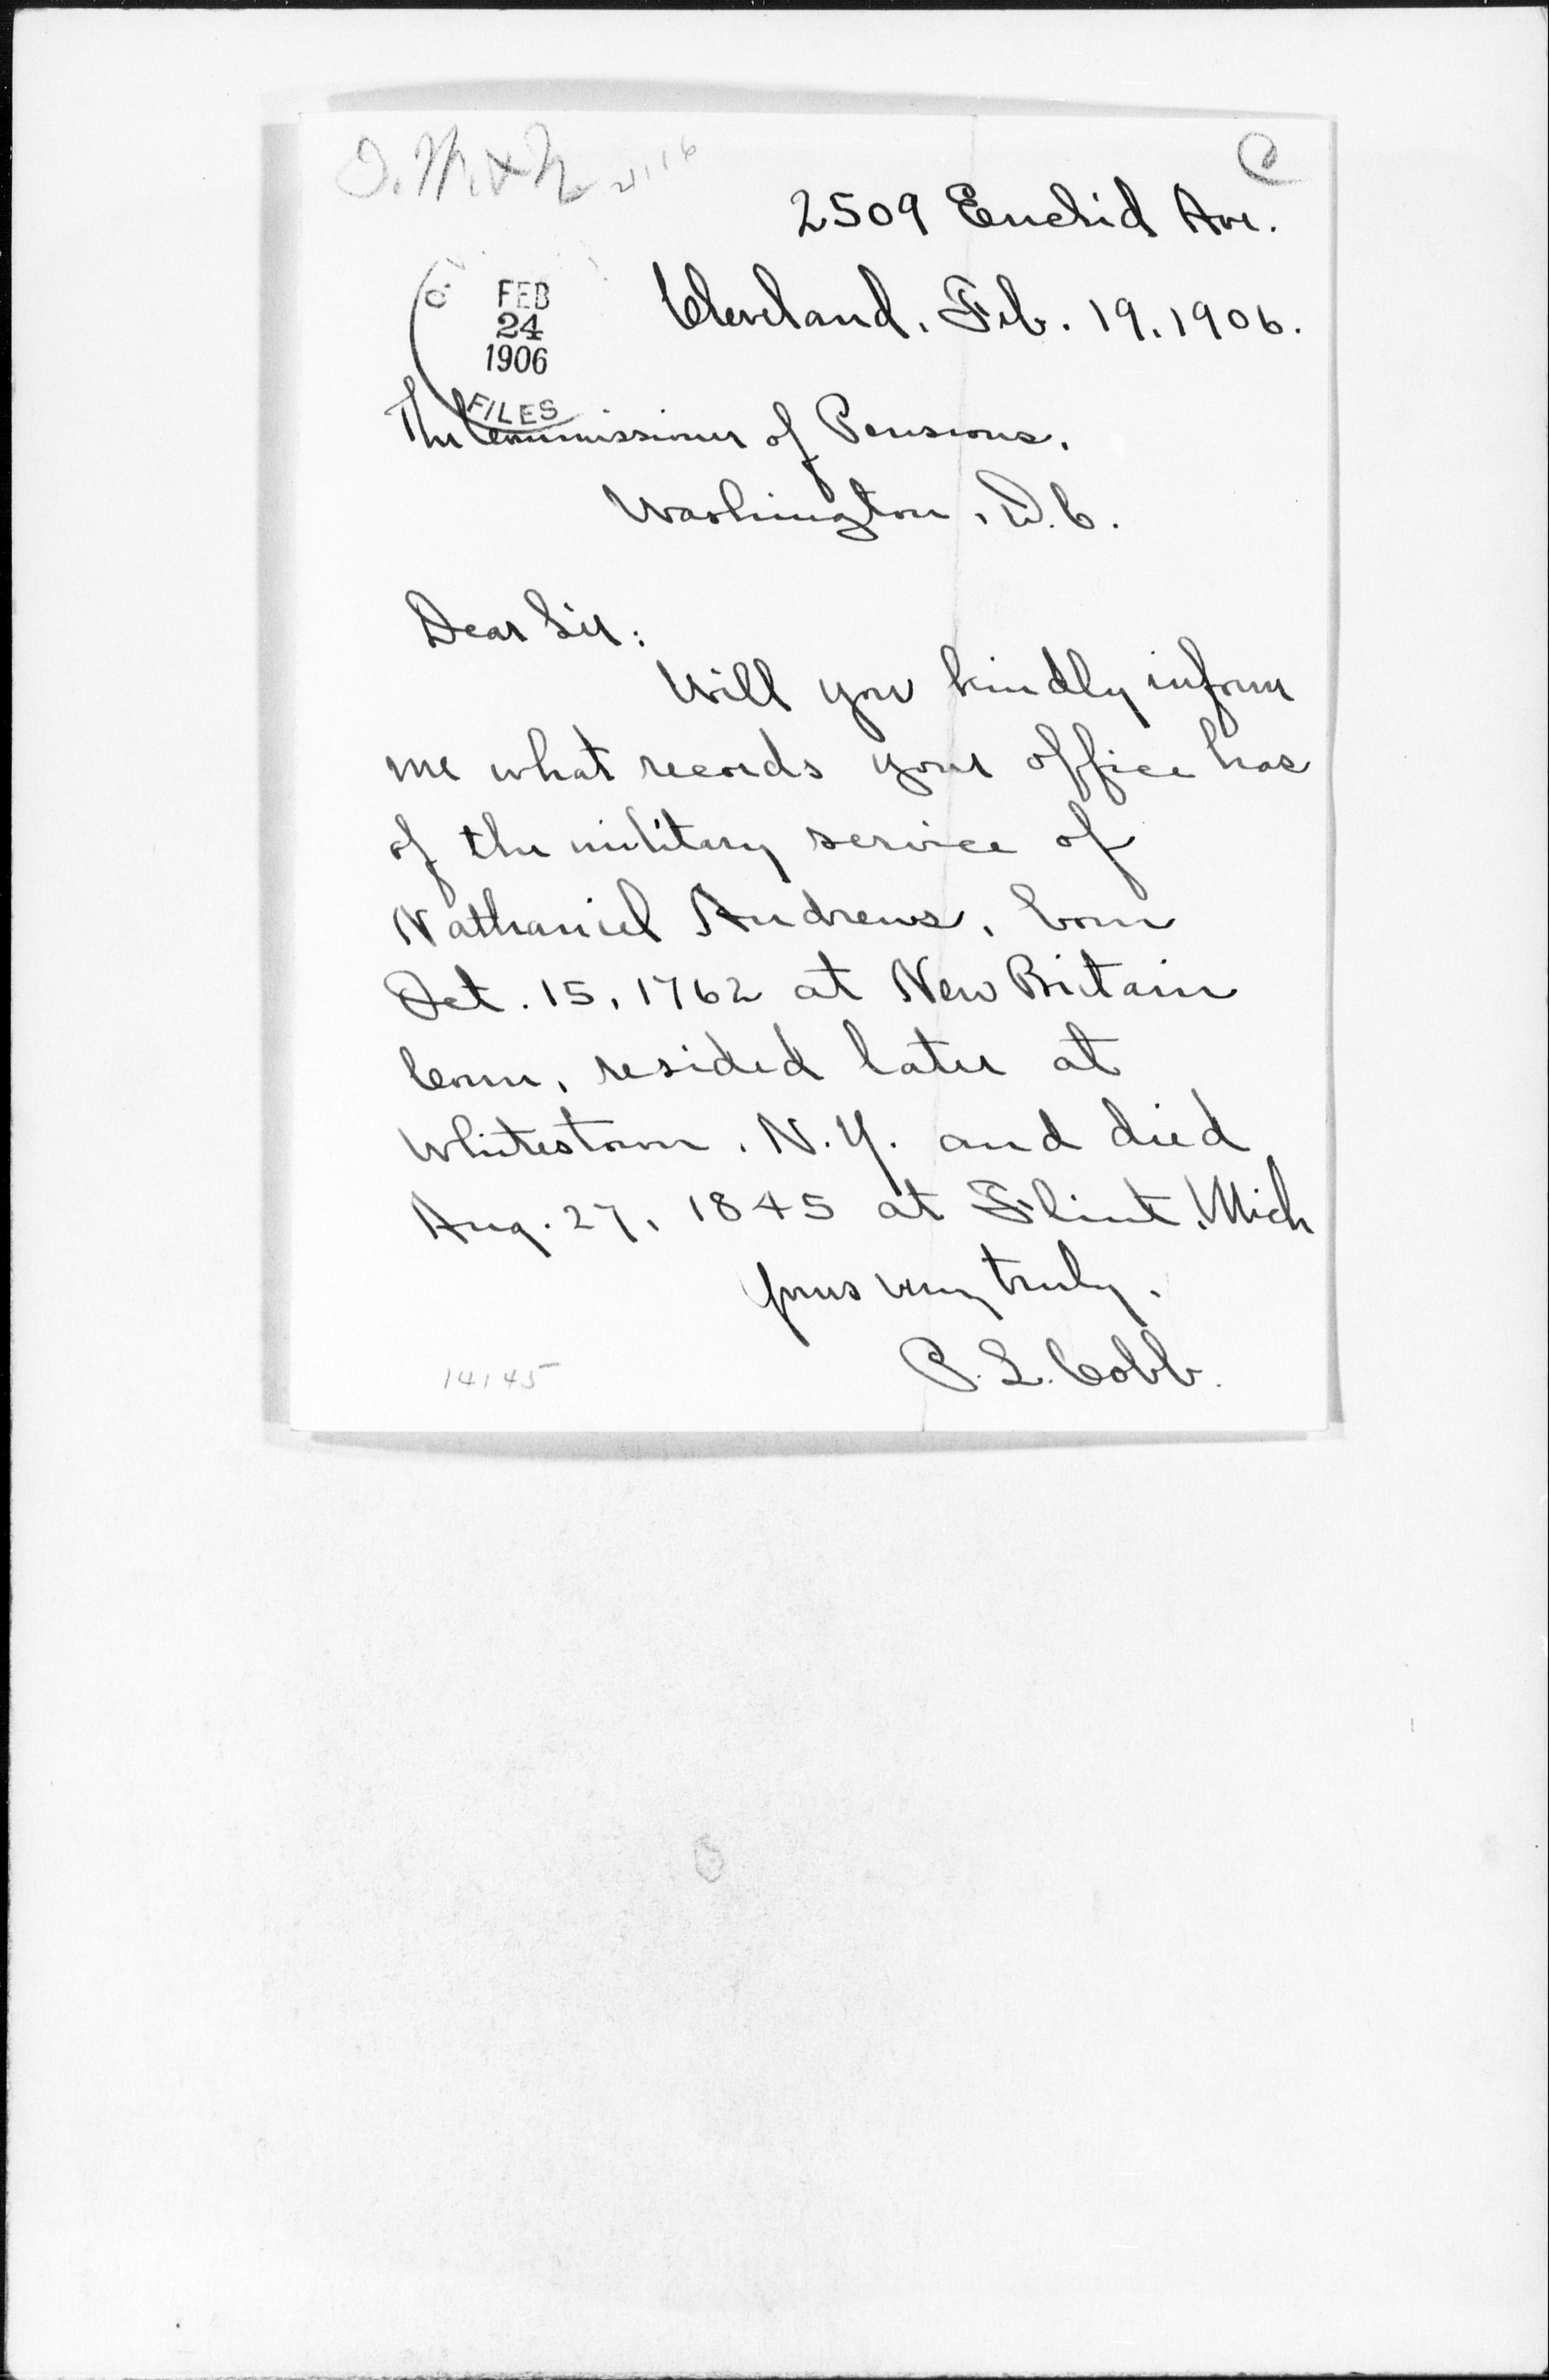2509 Enclid Ave.
Cleveland, Feb. 19, 1906
The Commissioner of Pensions
Washington, D.C.
Dear Sir, 
Will you kindly inform
me what records your office has
of the military service of
Nathaniel Andrews, born
Oct. 15, 1762 at New Britain
Conn, resided late at
Whitestown, N.Y. and died
Aug. 27, 1845 at Flint, Mich
Yours very truly
P. L. Cobb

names: P L Cobb, Nathaniel Andrews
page: 72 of 78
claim: widow's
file: W. 4117, Nathaniel Bradley, Conn.